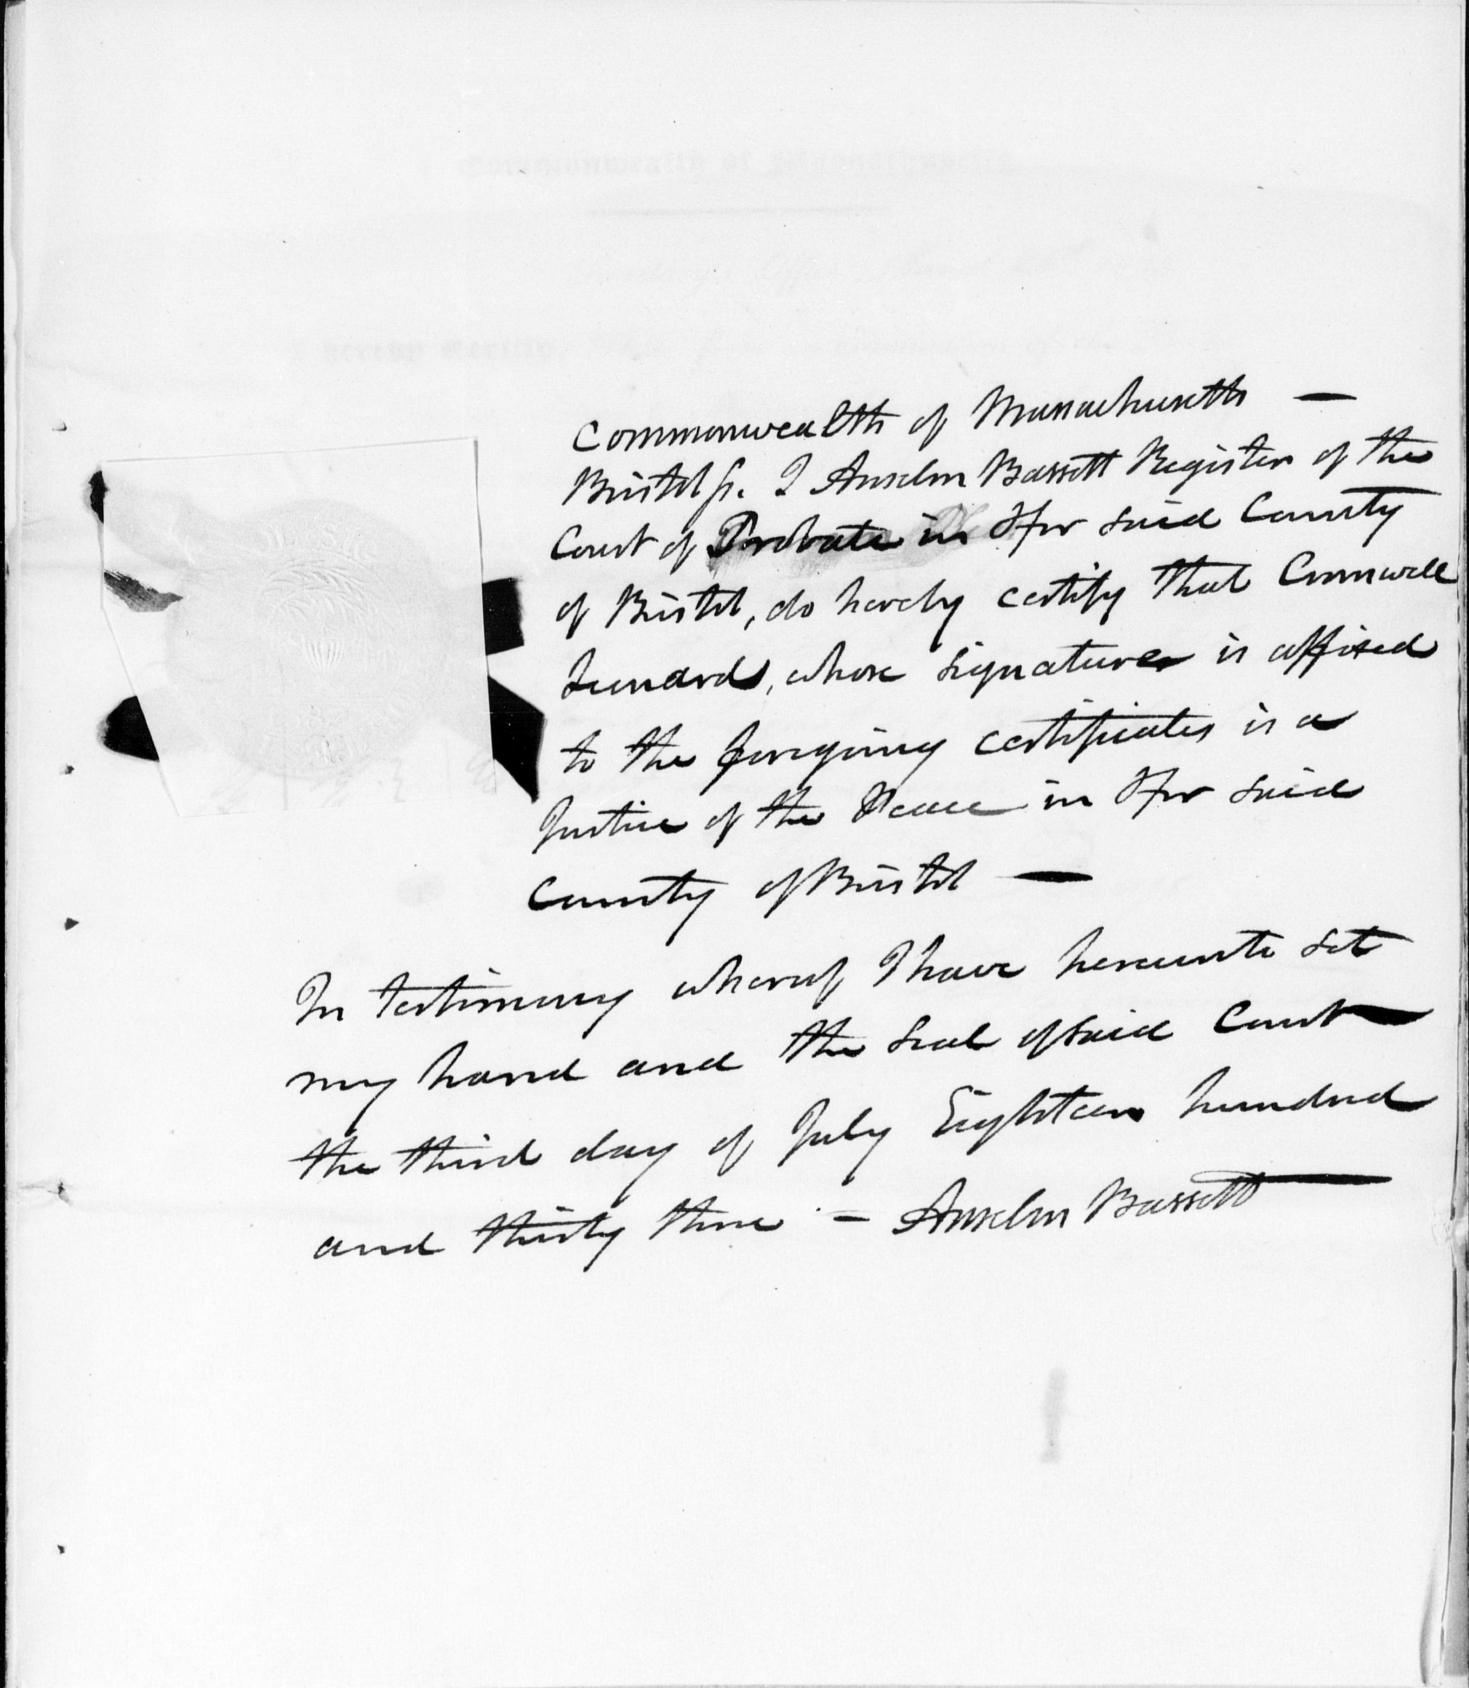Commonwealth of Massachusetts Bristol County SS I Anselm Bassett Register of this court of Probate in & for said county of Bristol do hereby certify that Cromwell leonard whose signature is affixed to the foregoing certificates is a Justice of the peace in & for said County of Bristol. In testimony whereof I have hereunto set my hand the seal of said court the third day of July Eighteen hundred and thirty three Anselm Bassett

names: Cromwell Leonard, Anselm Bassett, Anselm Bassett, Bristol, Bristol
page: 17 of 18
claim: survivor's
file: S. 29,590, Nathan Andrews, Mass R.I.